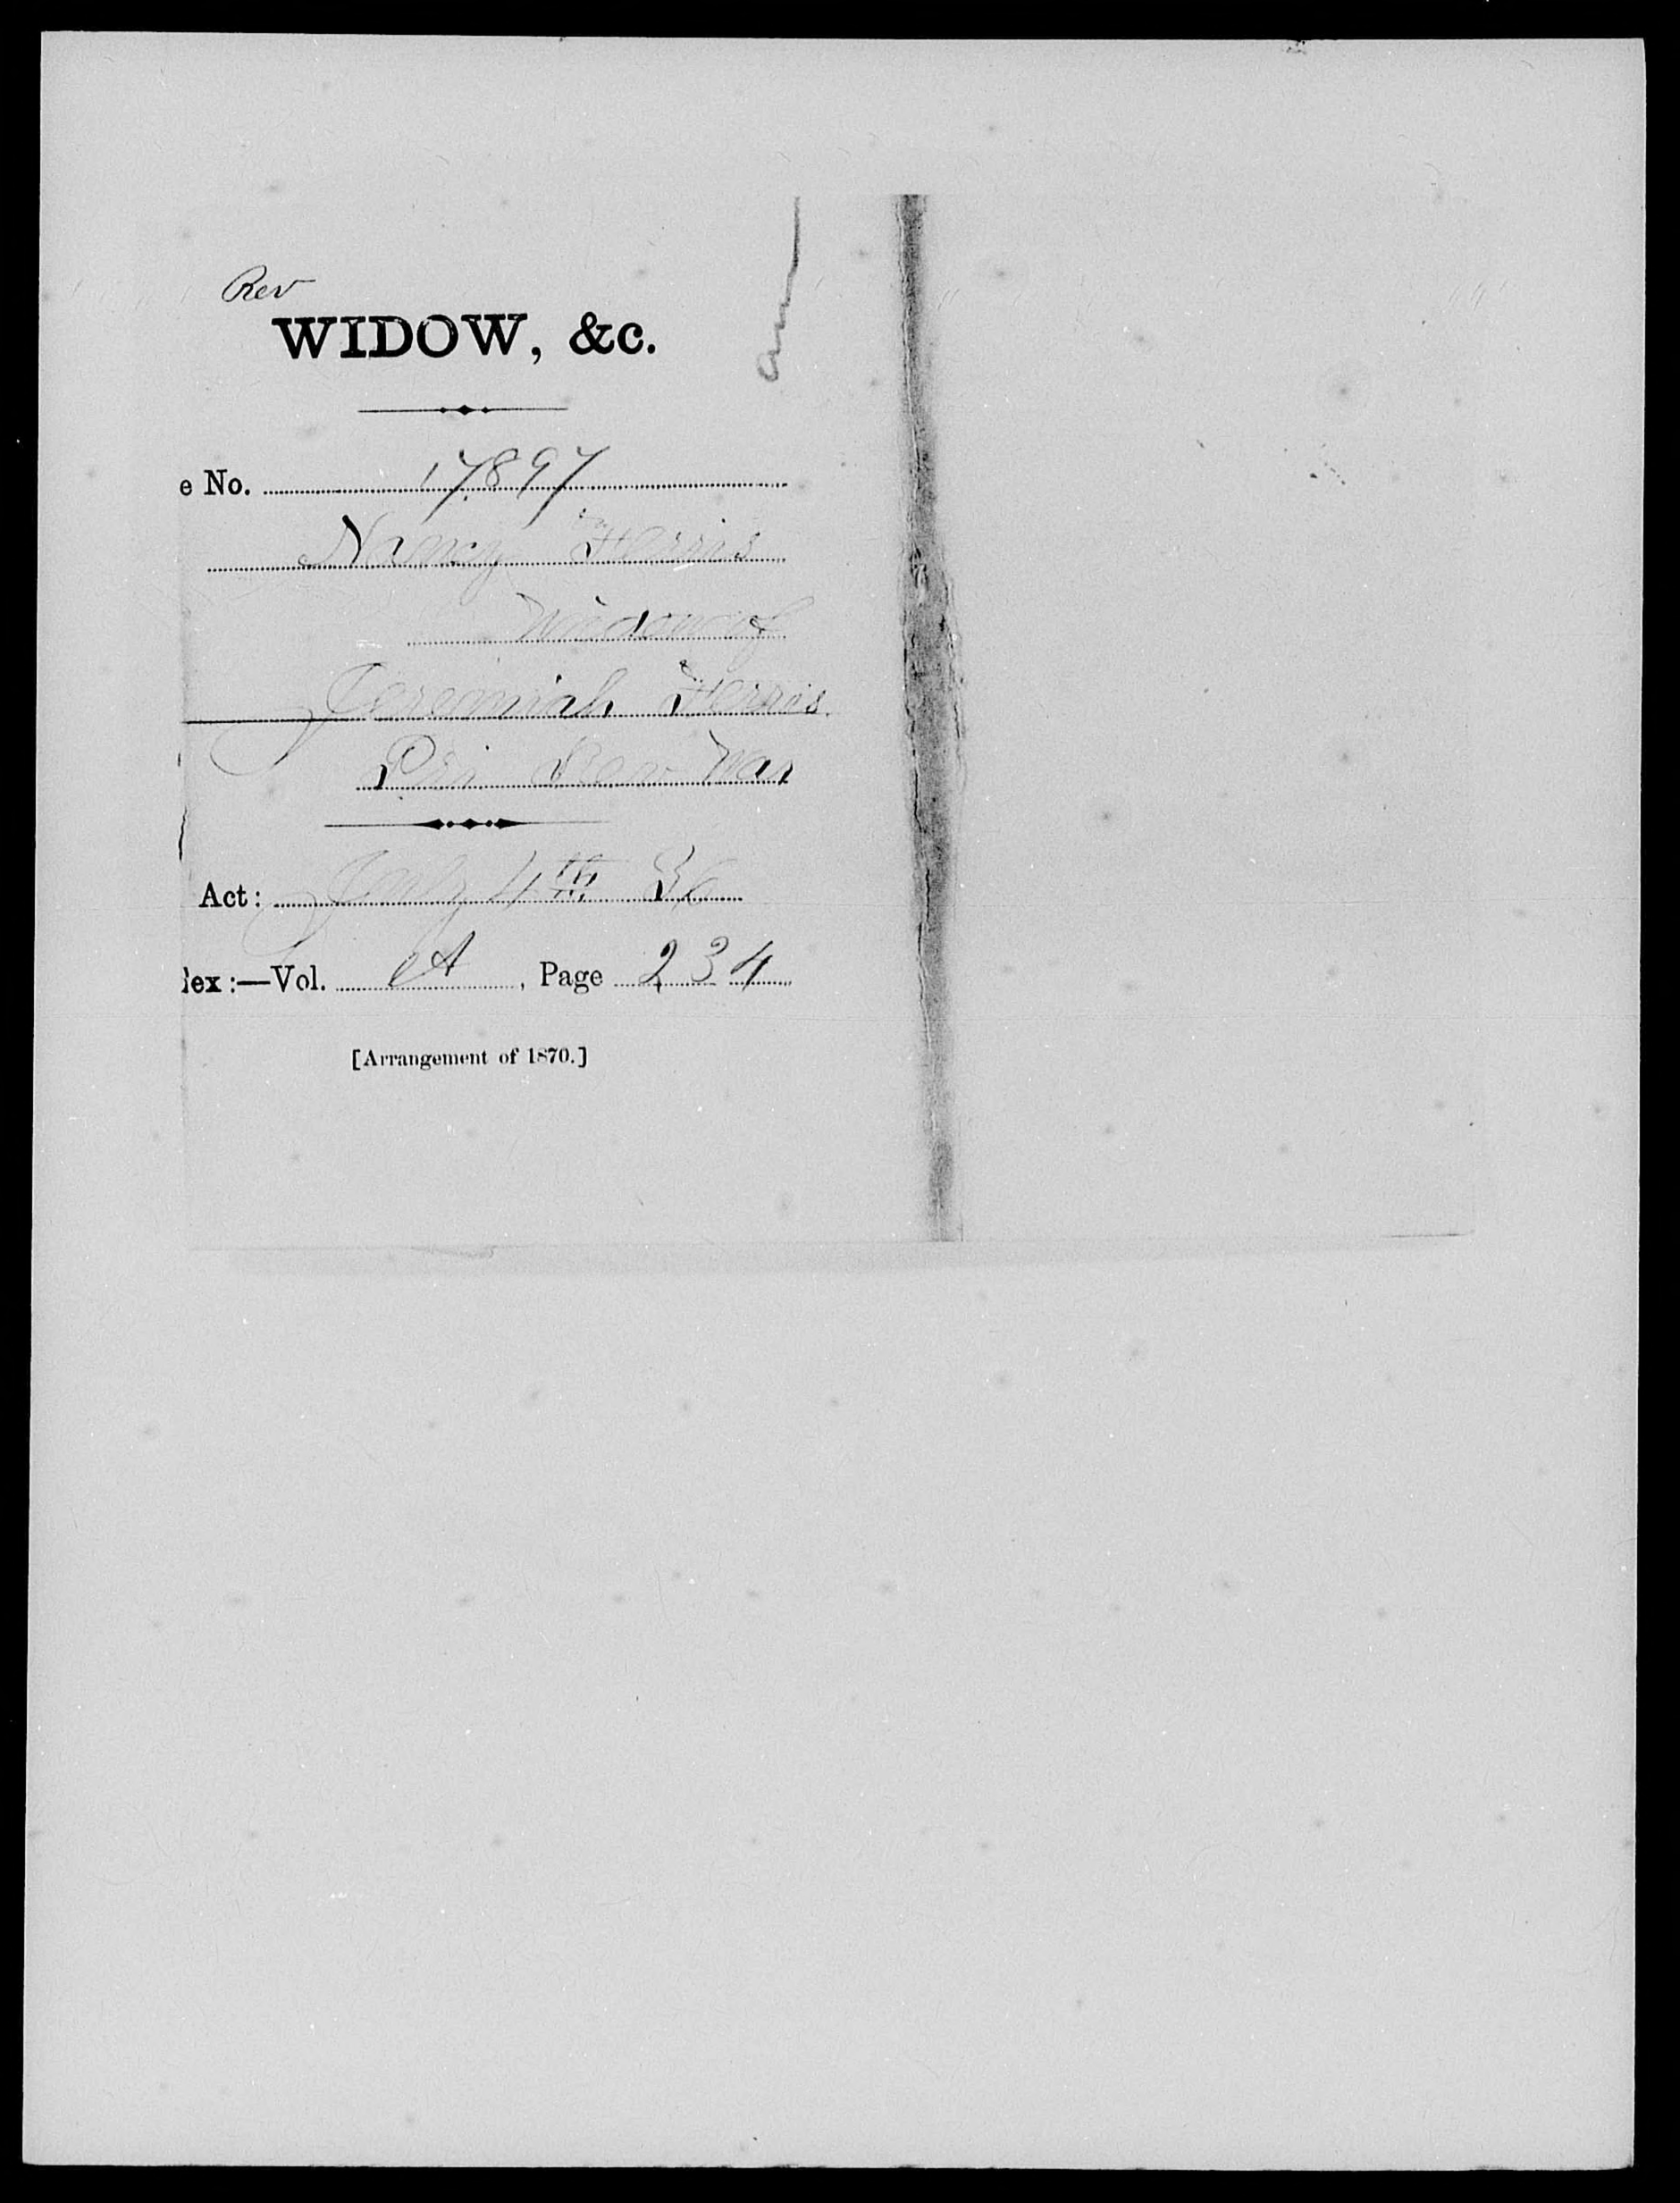Rev
WIDOW, &c.

e No. 17897
Nancy Ferris
Widow of 
Jeremiah Ferris.
Pri Rev War

Act:  July 4th 36

dex:--Vol. A, Page 234

[Arrangement of 1870.]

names: Jeremiah Ferris, Nancy Ferris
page: 14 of 14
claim: widow's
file: W. 17897, Jeremiah Ferris, Conn.